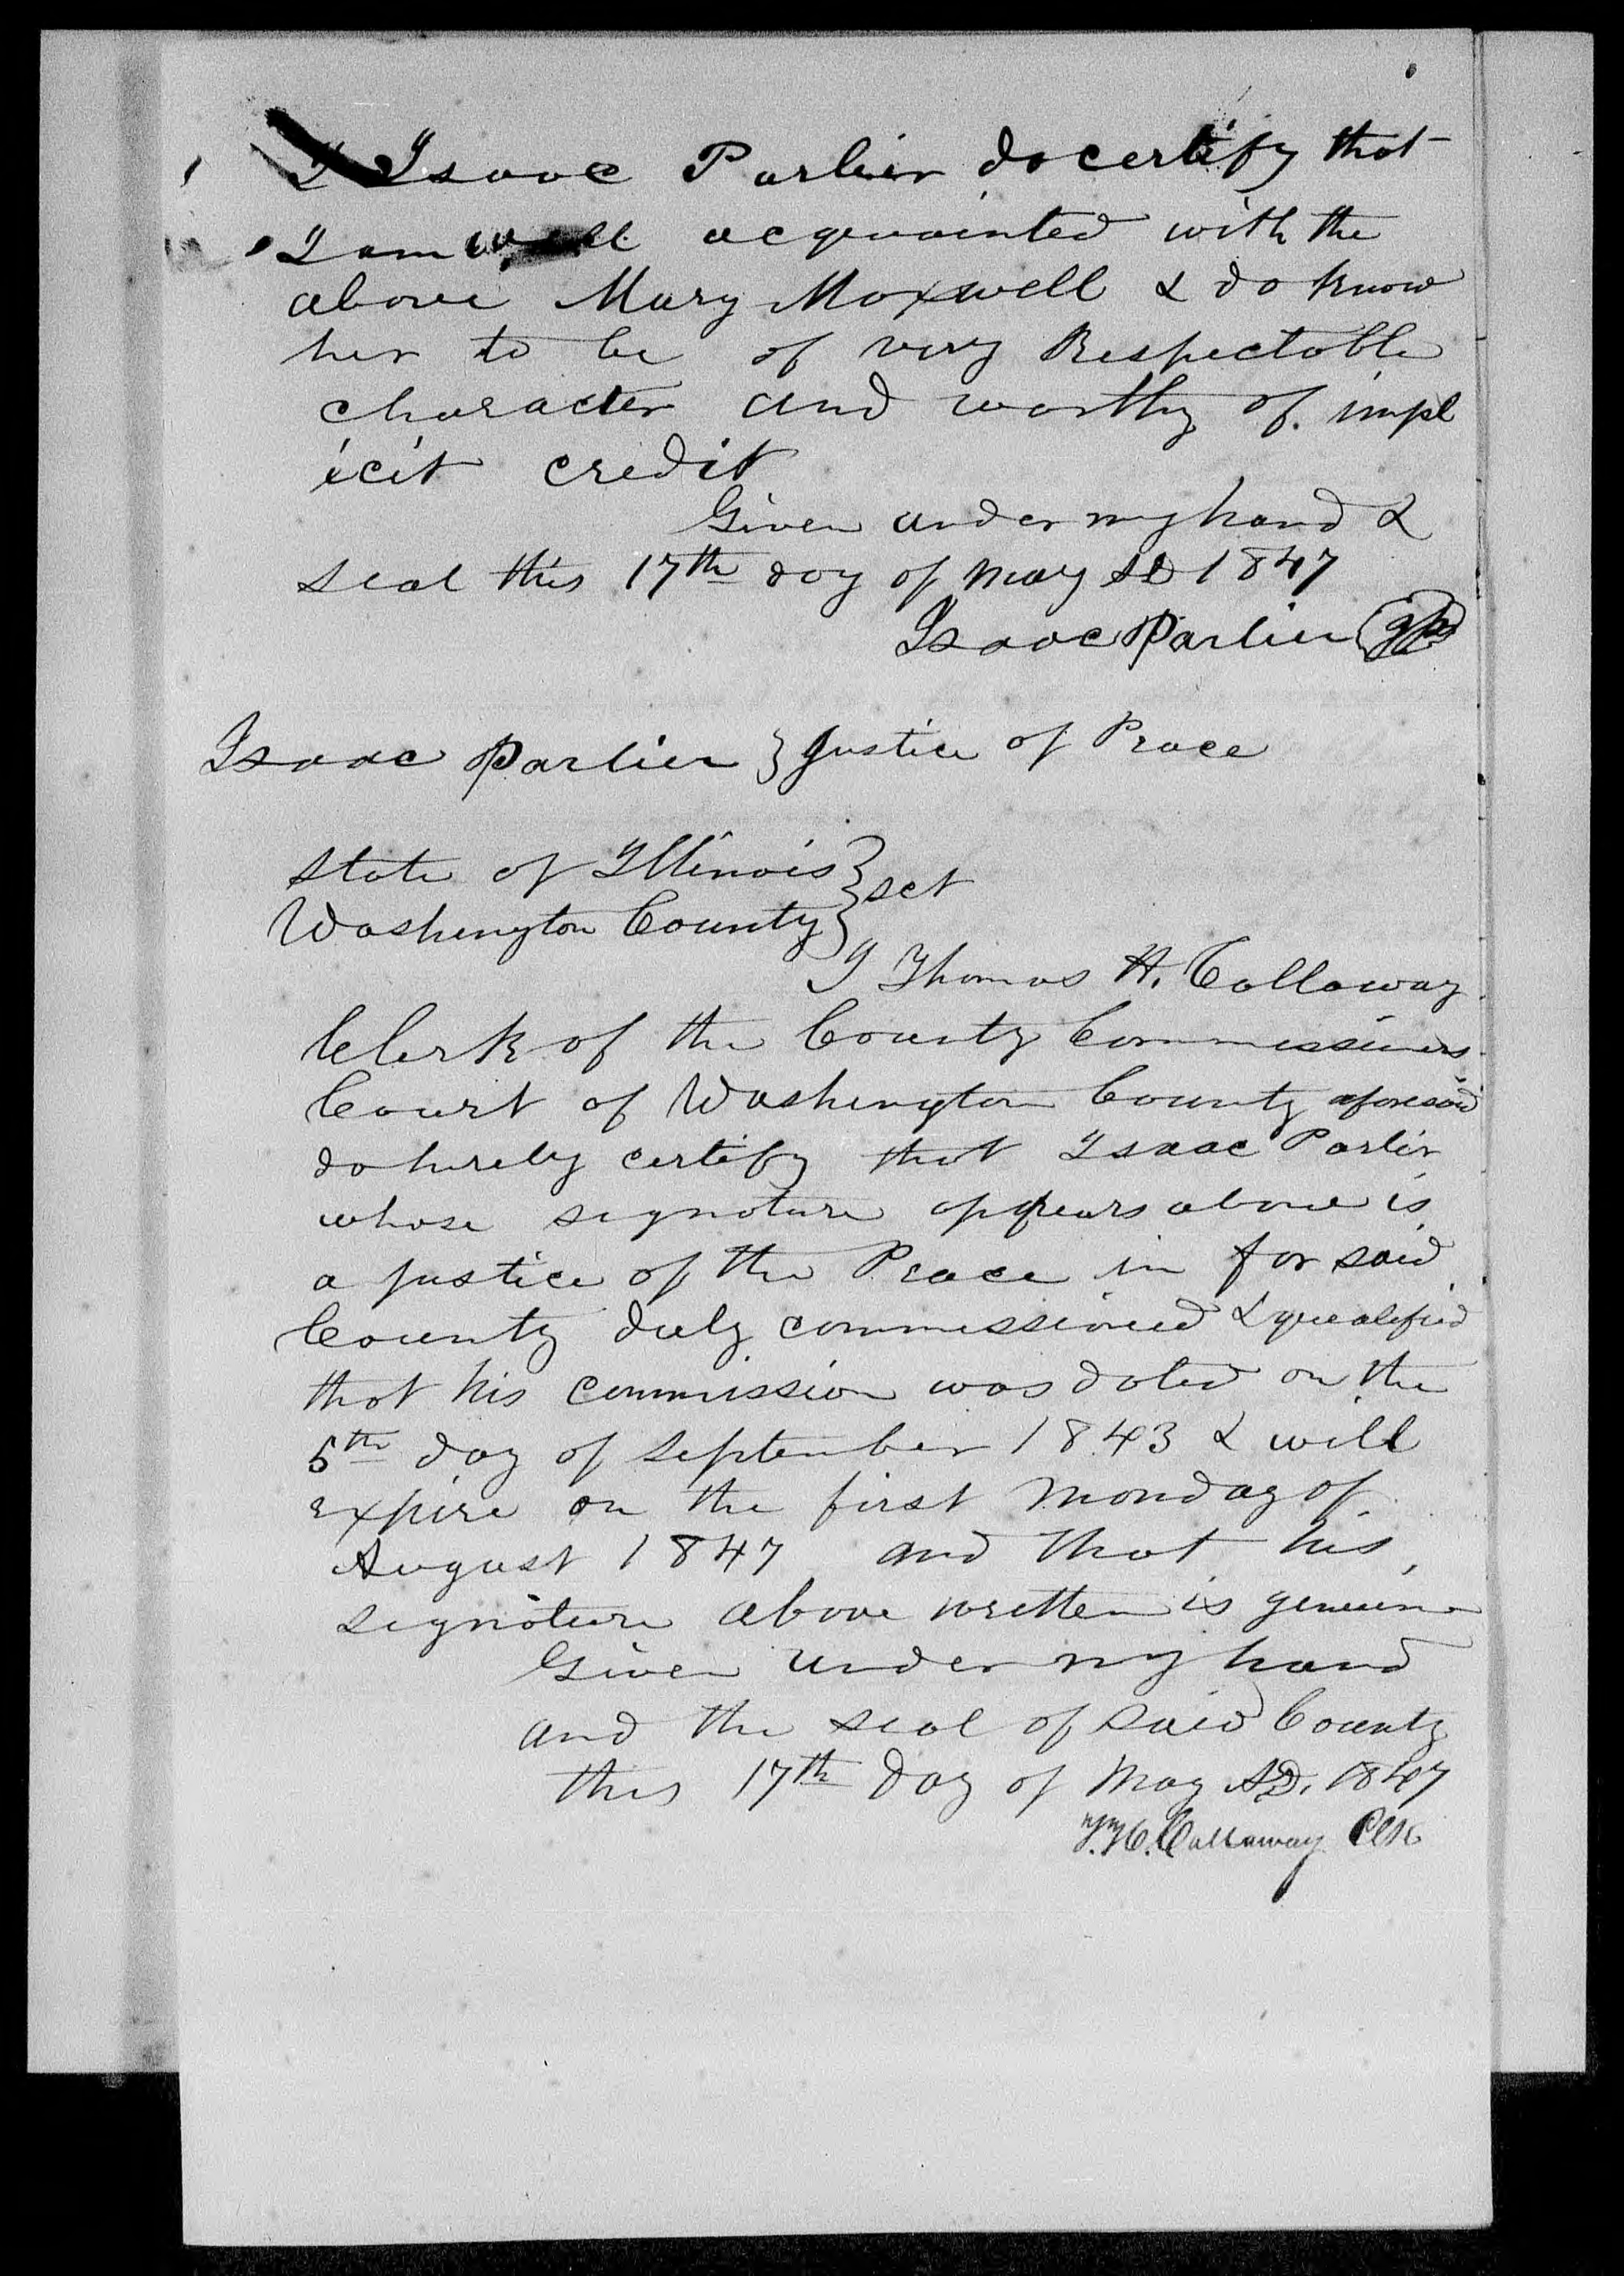Isaac Parlier do certify that is I am acquainted with the above Mary Maxwell & do know her to be of very Respectable character and worthy of implicit credit 

Given under my hand & 
seal this 17th day of May AD 1847 
Isaac Parlier J.P.

Isaac Parlier} Justice of Peace 

State of Illinois}
 Washington County} set 

I Thomas H. Callaway Clerk of the County Commissioners Court of Washington County aforesaid do hereby certify that Isaac Parlier whose signature appears above is a Justice of the Peace in for said County duly commissioned & qualified that his commission was dated on the 5th day of September 1843. I will expire on the first Monday of August 1847 and that his signature above written is genuine 

Given under my hand 
and the seal of said County 
this 17th day of May A.D. 1847 
T.H. Callaway Clk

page: 49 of 93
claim: widow's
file: W. 21792, for Thomas Mc Clurken, South Carolina